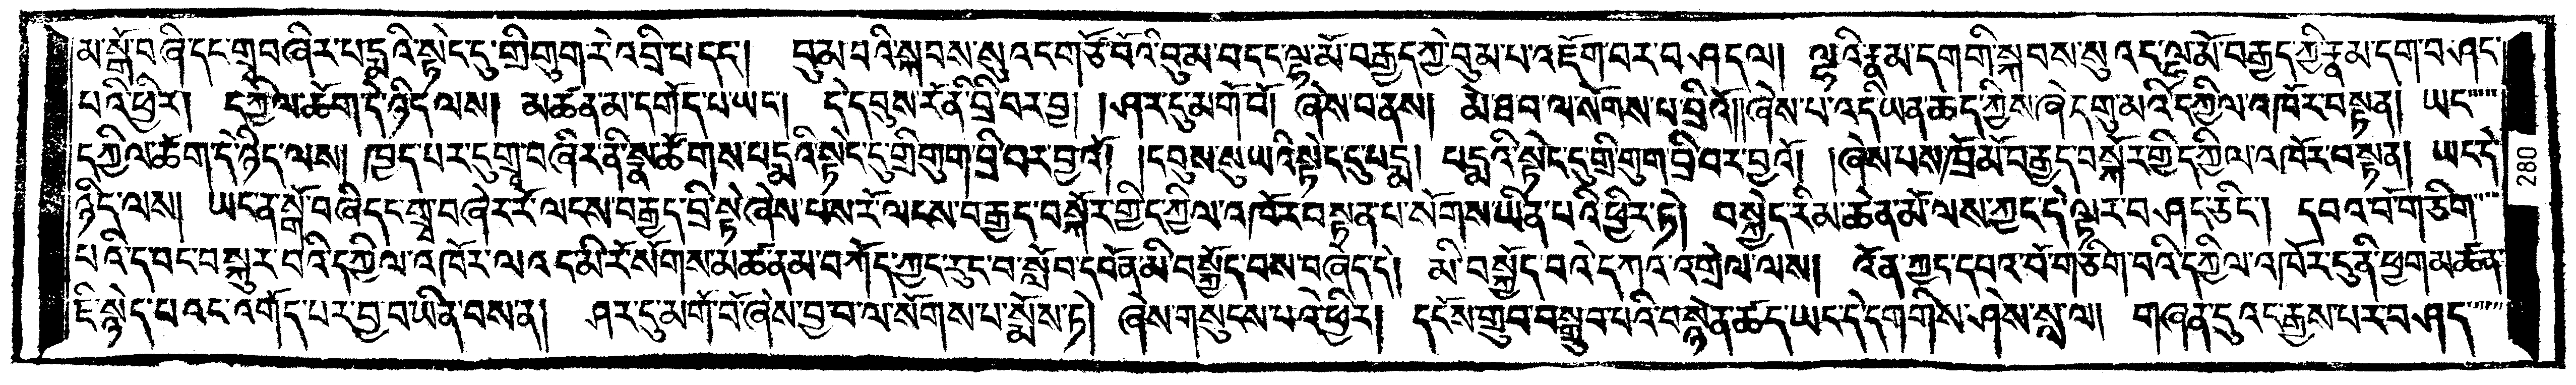མ་སྒོ་བཞི་དང་གྲྭ་བཞིར་པདམའི་སྟེང་དུ་གྲི་གུག་རེ་འབྲི་པ་དང་། བུམ་པའི་སྐབས་སུའང་གཙོ་བོའི་བུམ་བ་དང་ལྷ་མོ་བརྒྱད་ཀྱི་བུམ་པ་འཇོག་བར་བཤད་ལ། ལྷའི་རྣམ་དག་གི་སྐབས་སུའང་ལྷ་མོ་བརྒྱད་ཀྱི་རྣམ་དག་བཤད་
པའི་ཕྱིར། དཀྱིལ་ཆོག་དེ་ཉིད་ལས། མཚན་མ་དགོད་པ་ཡང་། དེ་དབུས་རོ་ནི་བྲི་བར་བྱ། །ཤར་དུ་མགོ་བོ། ཞེས་པ་ནས། མེ་ཐབ་ལ་སོགས་པ་བྲིའོ། །ཞེས་པ་འདི་ཡན་ཆད་ཀྱིས་ཞེ་དགུ་མའི་དཀྱིལ་འཁོར་བསྟན། ཡང་
དཀྱིལ་ཆོག་དེ་ཉིད་ལས། ཁྱད་པར་དུ་གྲྭ་བཞིར་ནི་སྣ་ཚོགས་པདམའི་སྟེང་དུ་གྲི་གུག་བྲི་བར་བྱའོ། །དབུས་སུ་ཡའི་སྟེང་དུ་པདམ། པདམའི་སྟེང་དུ་གྲི་གུག་བྲི་བར་བྱའོ། །ཞེས་པས་ཁྲོ་མོ་བརྒྱད་བསྐོར་གྱི་དཀྱིལ་འཁོར་བསྟན། ཡང་དེ་
ཉིད་ལས། ཡང་ན་སྒོ་བཞི་དང་གྲྭ་བཞེར་རོ་ལངས་བརྒྱད་བྲི་སྟེ་ཞེས་པས་རོ་ལངས་བརྒྱད་བསྐོར་གྱི་དཀྱིལ་འཁོར་བསྟན་པ་སོགས་ཡིན་པའི་ཕྱིར་ཏེ། བསྐྱེད་རིམ་ཆེན་མོ་ལས་ཀྱང་དེ་ལྟར་བཤད་ཅིང་། དཔའ་བོ་གཅིག་
པའི་དབང་བསྐུར་བའི་དཀྱིལ་འཁོར་ལའང་མི་རོ་སོགས་མཚན་མ་བཀོད་ཀྱང་རུང་བ་སློབ་དཔོན་མི་བསྐྱོད་བས་བཞེད་དེ། མི་བསྐྱོད་བའི་དཀའ་འགྲེལ་ལས། འོན་ཀྱང་དཔའ་བོ་གཅིག་བའི་དཀྱིལ་འཁོར་དུ་ནི་ཕྱག་མཚན་
ཇི་སྙེད་པའང་འགོད་པར་བྱ་བ་ཡིན་བས་ན། ཤར་དུ་མགོ་བོ་ཞེས་བྱ་བ་ལ་སོགས་པ་སྨོས་ཏེ། ཞེས་གསུངས་པའི་ཕྱིར། དངོས་གྲུབ་བསྒྲུབ་པའི་བསྙེན་ཚད་ཡང་དེ་དག་གིས་ཤེས་སླ་ལ། གཞན་དུའང་རྒྱས་པར་བཤད་